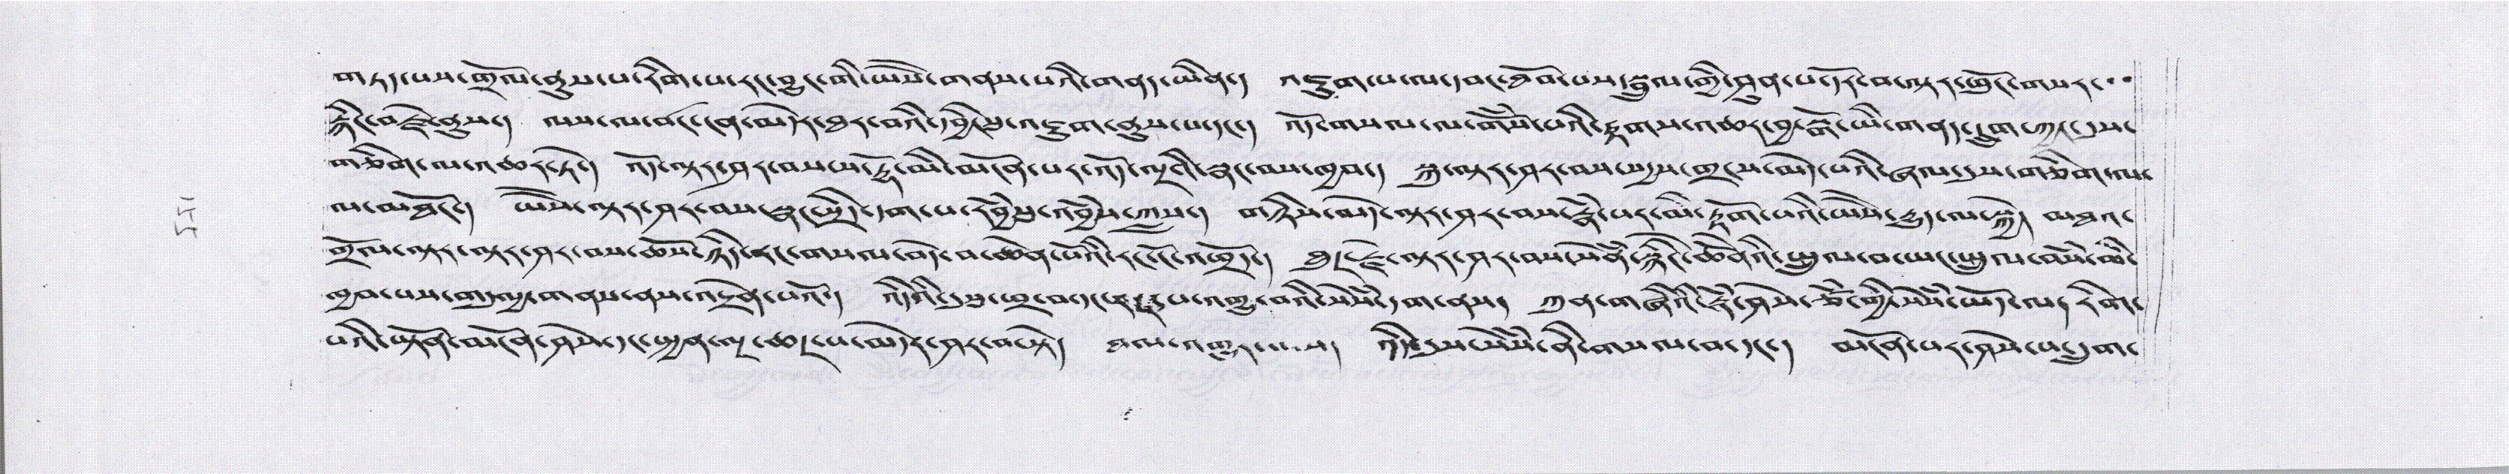གཏད་པས་གྲོལ་ནུས་པ། རིག་པ་རང་འབྱུང་གི་ཡེ་ཤེས་གནས་པའི་གནད་ཡིན། འཇུག་པ་ལ་དབང་ཐོབ་པས་སྦྲུལ་གྱི་ཤུན་པ་དོར་བ་ལྟར་ཕུང་པོ་གསར་
རྙིང་བརྗེ་ནུས། ལས་ལ་བཟང་ངན་མེད་པར་ཐར་པའི་དབྱིངས་སུ་འཇུག་ནུས་པ་དང་། འོད་གསལ་ལ་གོམས་པའི་རྟགས་འཆར་བྱ་སྒོ་ཡི་གནད་དྲུག་ཀྱང་དུས་
གཅིག་ལ་འཆར་ཏེ། འོད་ལྟར་ཤར་བས་ས་རྡོ་མི་མངོན་པར་འོད་ལྔའི་སྣང་བས་ཁྱབ། སྐུ་ལྟར་ཤར་བས་སངས་རྒྱས་གྲངས་མེད་པའི་ཞལ་དུས་གཅིག་ལ་
ལ་མཐོང་། ཡེ་ཤེས་སུ་ཤར་བས་སྣང་སྲིད་དག་པ་རབ་འབྱམས་སུ་འབྱམས་ཀླས། གཉིས་མེད་ལྟར་ཤར་བས་རྣམ་པར་མི་རྟོག་པའི་ཡེ་ཤེས་རྒྱུད་ལ་སྐྱེ། མཐའ་
གྲོལ་ལྟར་ཤར་བས་ཆོས་ཉིད་ནང་གསལ་བདེ་བ་ཆེན་པོའི་རང་ངོ་འཕྲོད། ཐུགས་རྗེ་ལྟར་ཤར་བས་སེམས་ཅན་སྙིང་རྗེ་ཆེན་པོའི་སྤྲུལ་པ་ཡང་སྤྲུལ་བསམ་མི་
ཁྱབ་པས་གདུལ་བྱ་གནས་ནས་འདྲེན་པའོ། འདིའི་དུས་སུ་ཕྲ་བ་དང་རགས་པ་འགྱུ་བའི་སེམས་དག་ནས། ཀུན་གཞིའི་རྣམ་ཤེས་ཙམ་གྱི་སེམས་ཡོད་ལ། རིག་
པའི་ཡོན་ཏན་མངོན་ཤེས་དང་སྤྱན་ལྔ་ཆགས་པ་མེད་པར་ཤར་ཏེ། ཐལ་འགྱུར་ལས། འདི་དུས་སེམས་ནི་གསལ་བ་དང་། མངོན་པར་ཤེས་པ་དྲུག་